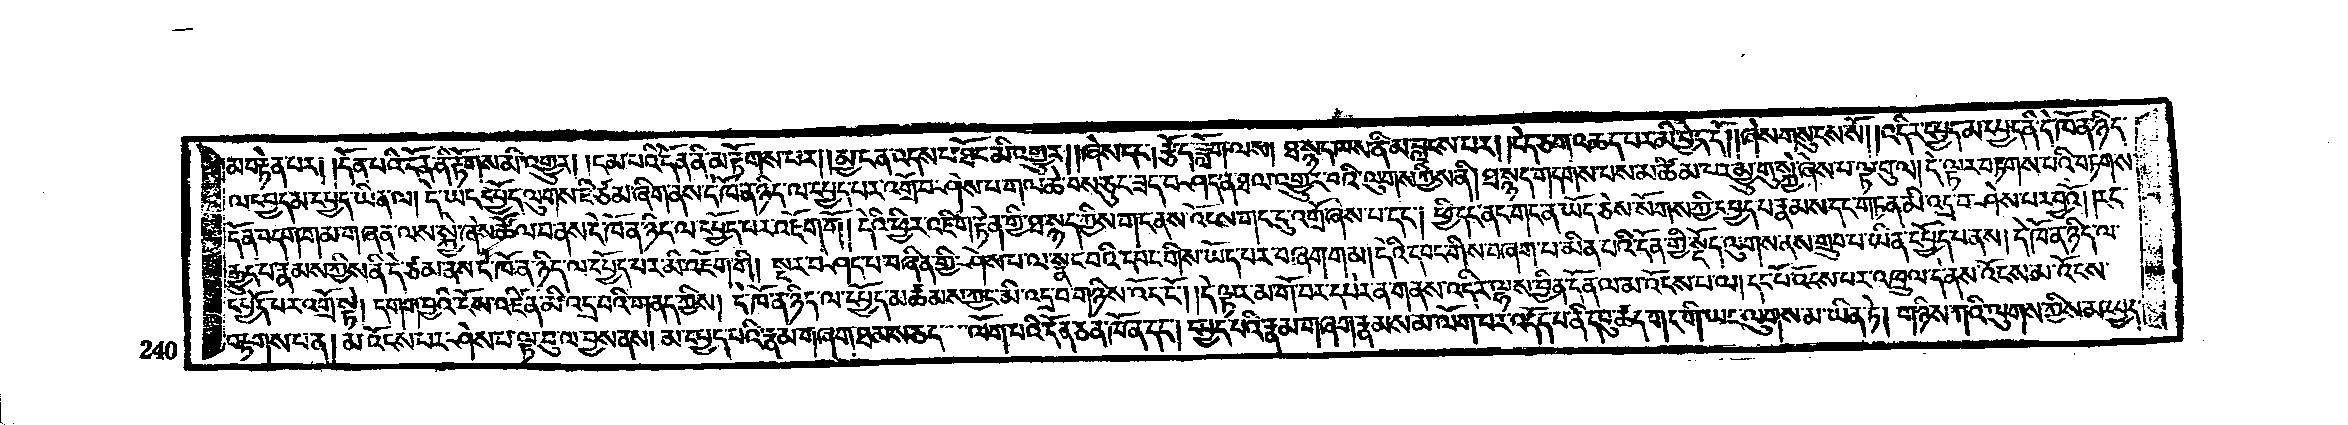མ་བརྟེན་པར། །དམ་པའི་དོན་ནི་རྟོགས་མི་འགྱུར། །དམ་པའི་དོན་ནི་མ་རྟོགས་པར། །མྱ་ངན་འདས་པ་ཐོབ་མི་འགྱུར། །ཞེས་དང་། རྩོད་ཟློག་ལས། ཐ་སྙད་ཁས་ནི་མ་བླངས་པར། །ངེད་ཅག་འཆད་པར་མི་བྱེད་དོ། །ཞེས་གསུངས་སོ། །འདིར་དཔྱད་མ་དཔྱད་ནི་དེ་ཁོ་ན་ཉིད་
ལ་དཔྱད་མ་དཔྱད་ཡིན་ལ། དེ་ཡང་དཔྱོད་ལུགས་ཇི་ཙམ་ཞིག་ནས་དེ་ཁོ་ན་ཉིད་ལ་དཔྱད་པར་འགྲོ་བ་ཤེས་པ་གལ་ཆེ་བས་ཅུང་ཟད་བཤད་ན་ཐལ་འགྱུར་བའི་ལུགས་ཀྱིས་ནི། ཐ་སྙད་གདགས་པས་མ་ཚིམ་པར་མྱུ་གུ་སྐྱེ་ཞེས་པ་ལྟ་བུ་ལ། དེ་ལྟར་བཏགས་པའི་བཏགས་
དོན་བདག་གམ་གཞན་ལས་སྐྱེ་ཞེས་ཚོལ་བ་ནས་དེ་ཁོ་ན་ཉིད་ལ་དཔྱོད་པར་འཇོག་གོ །དེའི་ཕྱིར་འཇིག་རྟེན་གྱི་ཐ་སྙད་ཀྱིས་གང་ནས་འོངས་གང་དུ་འགྲོ་ཞེས་པ་དང་། ཕྱི་དང་ནང་གང་ན་ཡོད་ཅེས་སོགས་ཀྱི་དཔྱད་པ་རྣམས་དང་གཏན་མི་འདྲ་བ་ཤེས་པར་བྱའོ། །རང་
རྒྱུད་པ་རྣམས་ཀྱིས་ནི་དེ་ཙམ་ནས་དེ་ཁོ་ན་ཉིད་ལ་དཔྱོད་པར་མི་འཇོག་གི །སྔར་བཤད་པ་བཞིན་གྱི་ཤེས་པ་ལ་སྣང་བའི་དབང་གིས་ཡོད་པར་བཞག་གམ། དེའི་དབང་གིས་བཞག་པ་མིན་པའི་དོན་གྱི་སྡོད་ལུགས་ནས་གྲུབ་པ་ཡིན་དཔྱོད་པ་ནས། དེ་ཁོ་ན་ཉིད་ལ་
དཔྱོད་པར་འགྲོ་སྟེ། དགག་བྱའི་ངོས་འཛིན་མི་འདྲ་བའི་གནད་ཀྱིས། དེ་ཁོ་ན་ཉིད་ལ་དཔྱོད་མཚམས་ཀྱང་མི་འདྲ་བ་གཉིས་འོང་ངོ། །དེ་ལྟར་མ་གོ་བར་དཔེར་ན་གནས་འདིར་ལྷས་བྱིན་དོན་ལ་མ་འོངས་པ་ལ། དང་པོ་འོངས་པར་འཁྲུལ་དེ་ནས་འོངས་མ་འོངས་
བརྟགས་པ་ན། མ་འོངས་པར་ཤེས་པ་ལྟ་བུ་ལ་བྱས་ནས། མ་དཔྱད་པའི་རྣམ་གཞག་ཐམས་ཅད་ལོག་པའི་དོན་ཅན་ཁོ་ན་དང་། དཔྱད་པའི་རྣམ་གཞག་རྣམས་མ་ལོག་པར་འདོད་པ་ནི་དབུ་ཚད་གང་གི་ཡང་ལུགས་མ་ཡིན་ཏེ། གཉིས་ཀའི་ལུགས་ཀྱིས་མ་དཔྱད་